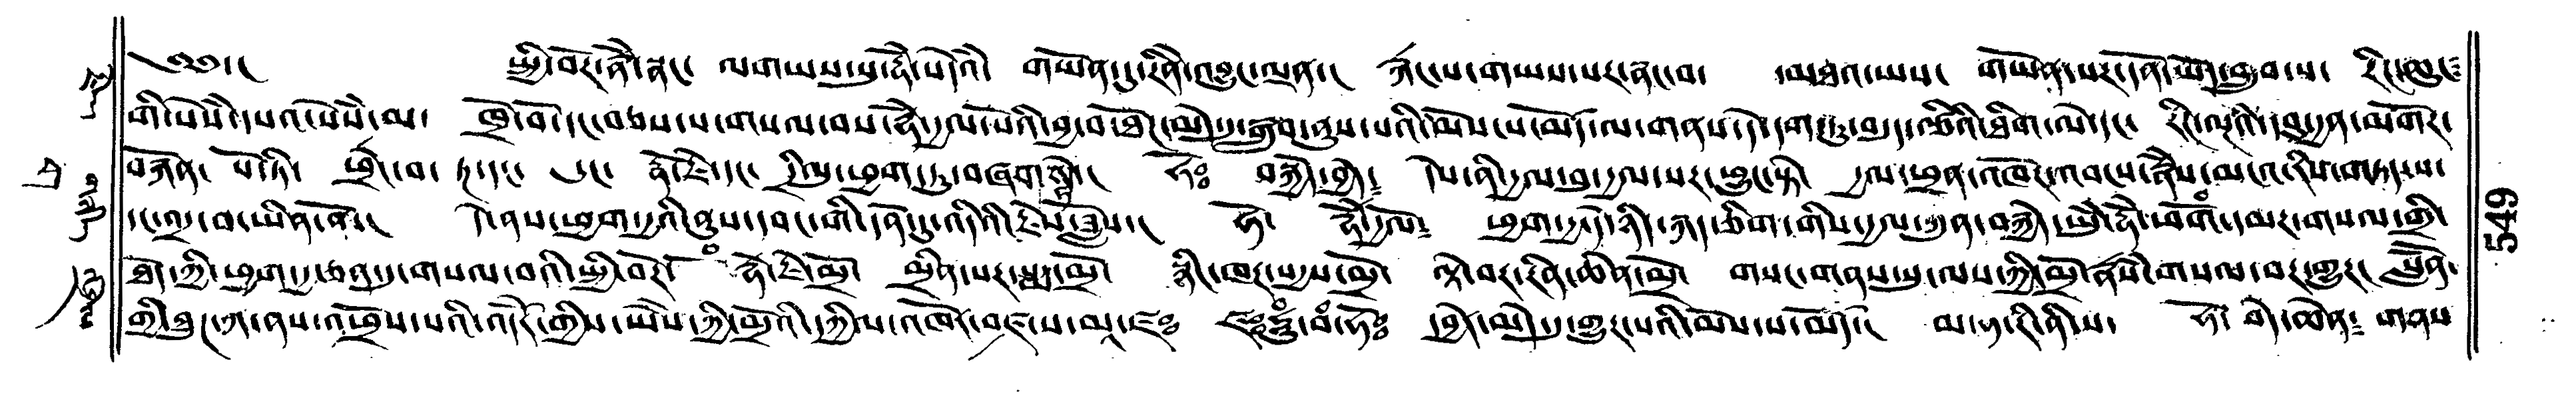སྤྱི་བོར་རྣམ་སྣང་། ལག་གཡས་སུ་རྡོ་རྗེའི་སེམས་དཔའ། གཡོན་དུ་རིན་ཆེན་འབྱུང་ལྡན། རྐང་པ་གཡས་པར་སྣང་བ་མཐའ་ཡས། གཡོན་པར་དོན་ཡོད་གྲུབ་པ། རིགས་ཆུང་
གི་སེམས་དཔའ་སེམས་མ། ཁྲོ་བོ་དང་བཅས་པ་གསལ་བས་རྡོ་རྗེ་རྒྱལ་པོའི་བྱ་བ་ཐོགས་མེད་དུ་སྒྲུབ་ནུས་པའི་མོས་པ་མཛོད་ལ། གནས་དེ་དག་ཏུ་བདུད་རྩིའི་ཐིག་ལེ་དང་། རིགས་ལྔའི་དབུ་རྒྱན་མགོར་
བསྐོན། པོ་ཏི། ཕྲེང་བ། རྔ་དང་། དུང་། རྣོ་རྗེ། དྲིལ་བུ་ཕྱག་ཏུ་བཞག་སྟེ། ཧོཿ བསྐྱེད་བྱེད༴ དེས་ནི་རྒྱལ་བུ་རྒྱལ་སར་ཕྱུང་སྟེ་རྒྱལ་ཕྲན་འཁོར་འབངས་རྣམས་མངའ་རིས་སུ་གཏད་པ་
དང་འདྲ་བ་ཡིན་ནོ། དེ་ནས་ཕྱག་རྒྱའི་ནུས་དབང་གྱི་དོན་དུ་འདིའི་རྗེས་བཟློས། ཧོཿ རྡོ་རྗེ་རྒྱལ་པོ༴ ཕྱག་རྒྱ་དེ་ཉིད་སྐད་ཅིག་གིས་རྒྱལ་ཀུན་བསྐྱེད་ཡུམ་རྡོ་རྗེ་ཕག་མོ་དམར་གསལ་གྲི་
ཐོད་ཀྱི་ཕྱག་རྒྱ་ཅན་དུ་གསལ་བའི་སྤྱི་བོར་རྡོ་རྗེ་མཁའ་འགྲོ། མགྲིན་པར་པདྨ་མཁའ་འགྲོ། སྙིང་ཁར་སངས་རྒྱས་མཁའ་འགྲོ།་ལྟེ་བར་རིན་ཆེན་མཁའ་འགྲོ། གསང་གནས་སུ་ལས་ཀྱི་མཁའ་འགྲཽ་རྣམས་གསལ་བར་གྱུར། སློབ་དཔོན་
གྱི་ཐུགས་ཀ་ནས་འཕྲོས་པའི་འོད་ཟེར་གྱི་ཡེ་ཤེས་ཀྱི་མཁའ་འགྲོའི་དཀྱིལ་འཁོར་བཛྲ་ས་མཱ་ཛཿ ཛཿཧཱུྃ་བཾ་ཧོཿ དབྱེར་མེད་དུ་གྱུར་པའི་མོས་པ་མཛོད། བཾ་ཧ་རི་ནི་ས༴ ཧོཿ བདེ་ཆེན༴ གནས་